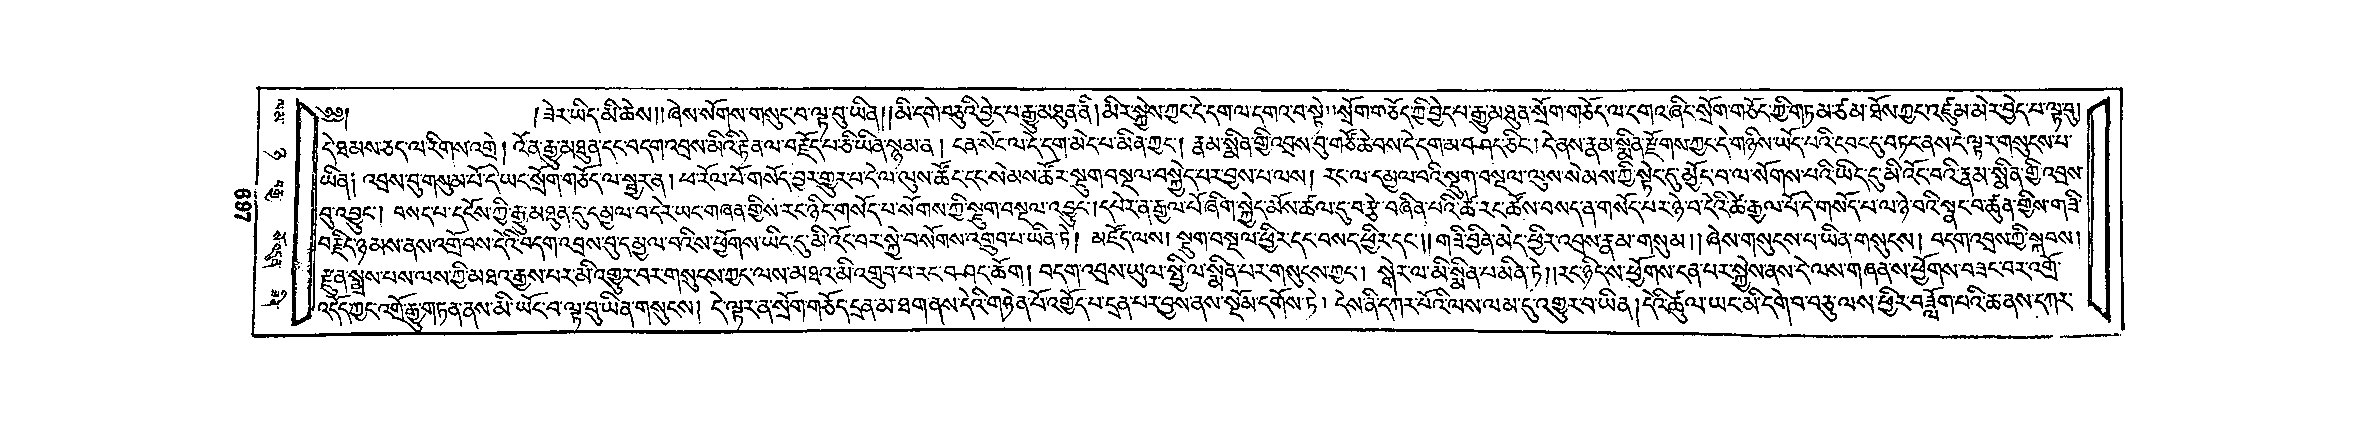༄༅། །ཟེར་ཡིད་མི་ཆེས། །ཞེས་སོགས་གསུང་བ་ལྟ་བུ་ཡིན། །མི་དགེ་བཅུའི་བྱེད་པ་རྒྱུ་མཐུན་ནི། མིར་སྐྱེས་ཀྱང་དེ་དག་ལ་དགའ་བ་སྟེ། །སྲོག་གཅོད་ཀྱི་བྱེད་པ་རྒྱུ་མཐུན་སྲོག་གཅོད་ལ་དགའ་ཞིང་སྲོག་གཅོད་ཀྱི་གཏམ་ཙམ་ཐོས་ཀྱང་འཛུམ་མེར་བྱེད་པ་ལྟ་བུ།
དེ་ཐམས་ཅད་ལ་རིགས་འགྲེ་།འོ་ན་རྒྱུ་མཐུན་དང་བདག་འབྲས་མིའི་རྟེན་ལ་བརྗོད་པ་ཅི་ཡིན་སྙམ་ན། ངན་སོང་ལ་དེ་དག་མེད་པ་མིན་ཀྱང་། རྣམ་སྨིན་གྱི་འབྲས་བུ་གཙོ་ཆེ་བས་དེ་དག་མ་བཤད་ཅིང་། དེ་ནས་རྣམ་སྨིན་རྫོགས་ཀྱང་དེ་གཉིས་ཡོད་པའི་དབང་དུ་བཏང་ནས་དེ་ལྟར་གསུངས་པ་
ཡིན། འབྲས་བུ་གསུམ་པོ་དེ་ཡང་སྲོག་གཅོད་ལ་སྦྱར་ན། ཕ་རོལ་པོ་གསོད་བྱར་གྱུར་པ་དེ་ལ་ལུས་ཚོང་དང་སེམས་ཚོར་སྡུག་བསྔལ་བསྐྱེད་པར་བྱས་པ་ལས། རང་ལ་དམྱལ་བའི་སྡུག་བསྔལ་ལུས་སེམས་ཀྱི་སྟེང་དུ་མྱོང་བ་ལ་སོགས་པའི་ཡིད་དུ་མི་འོང་བའི་རྣམ་སྨིན་གྱི་འབྲས་
བུ་འབྱུང་། བསད་པ་དངོས་ཀྱི་རྒྱུ་མཐུན་དུ་དམྱལ་བ་དེར་ཡང་གཞན་གྱིས་རང་ཉིད་གསོད་པ་སོགས་ཀྱི་སྡུག་བསྔལ་འབྱུང་། དཔེར་ན་རྒྱལ་པོ་ཞིག་སྐྱེད་མོས་ཚལ་དུ་བརྩེ་བཞིན་པའི་ཚེ་རང་ཚོས་བསད་ན་གསོད་པར་ཉེ་བ་དེའི་ཚེ་རྒྱལ་པོ་དེ་གསོད་པ་ལ་ཉེ་བའི་སྣང་བ་ཚུན་གྱིས་གཟི་
བརྗིད་ཉམས་ནས་འགྲོ་བས་དེའི་བདག་འབྲས་བུ་དམྱལ་བའི་ས་ཕྱོགས་ཡིད་དུ་མི་འོང་བར་སྐྱེ་བ་སོགས་འགྲུབ་པ་ཡིན་ཏེ། མཛོད་ལས། སྡུག་བསྔལ་ཕྱིར་དང་བསད་ཕྱིར་དང་། །གཟི་བྱིན་མེད་ཕྱིར་འབྲས་རྣམ་གསུམ། །ཞེས་གསུངས་པ་ཡིན་གསུངས། བདག་འབྲས་ཀྱི་སྐབས།
རྫུན་སྨྲས་པས་ལས་ཀྱི་མཐའ་རྒྱས་པར་མི་འགྱུར་བར་གསུངས་ཀྱང་ལས་མཐའ་མི་འགྲུབ་པ་རང་བཤད་ཆོག །བདག་འབྲས་ཡུལ་སྤྱི་ལ་སྨིན་པར་གསུངས་ཀྱང་། སྒེར་ལ་མི་སྨིན་པ་མིན་ཏེ། །རང་ཉིད་ས་ཕྱོགས་ངན་པར་སྐྱེས་ནས་དེ་ལས་གཞན་ས་ཕྱོགས་བཟང་བར་འགྲོ་
འདོད་ཀྱང་འགྲོ་རྒྱུ་གཏན་ནས་མི་ཡོང་བ་ལྟ་བུ་ཡིན་གསུངས། དེ་ལྟར་ན་སྲོག་གཅོད་དྲན་མ་ཐག་ནས་དེའི་གཉེན་པོ་འགྱོད་པ་དྲན་པར་བྱས་ནས་སྡོམ་དགོས་ཏེ། དེས་ནི་དཀར་པོའི་ལས་ལམ་དུ་འགྱུར་བ་ཡིན། དེའི་ཚུལ་ཡང་མི་དགེ་བ་བཅུ་ལས་ཕྱིར་བཟློག་པའི་ཆ་ནས་དཀར་